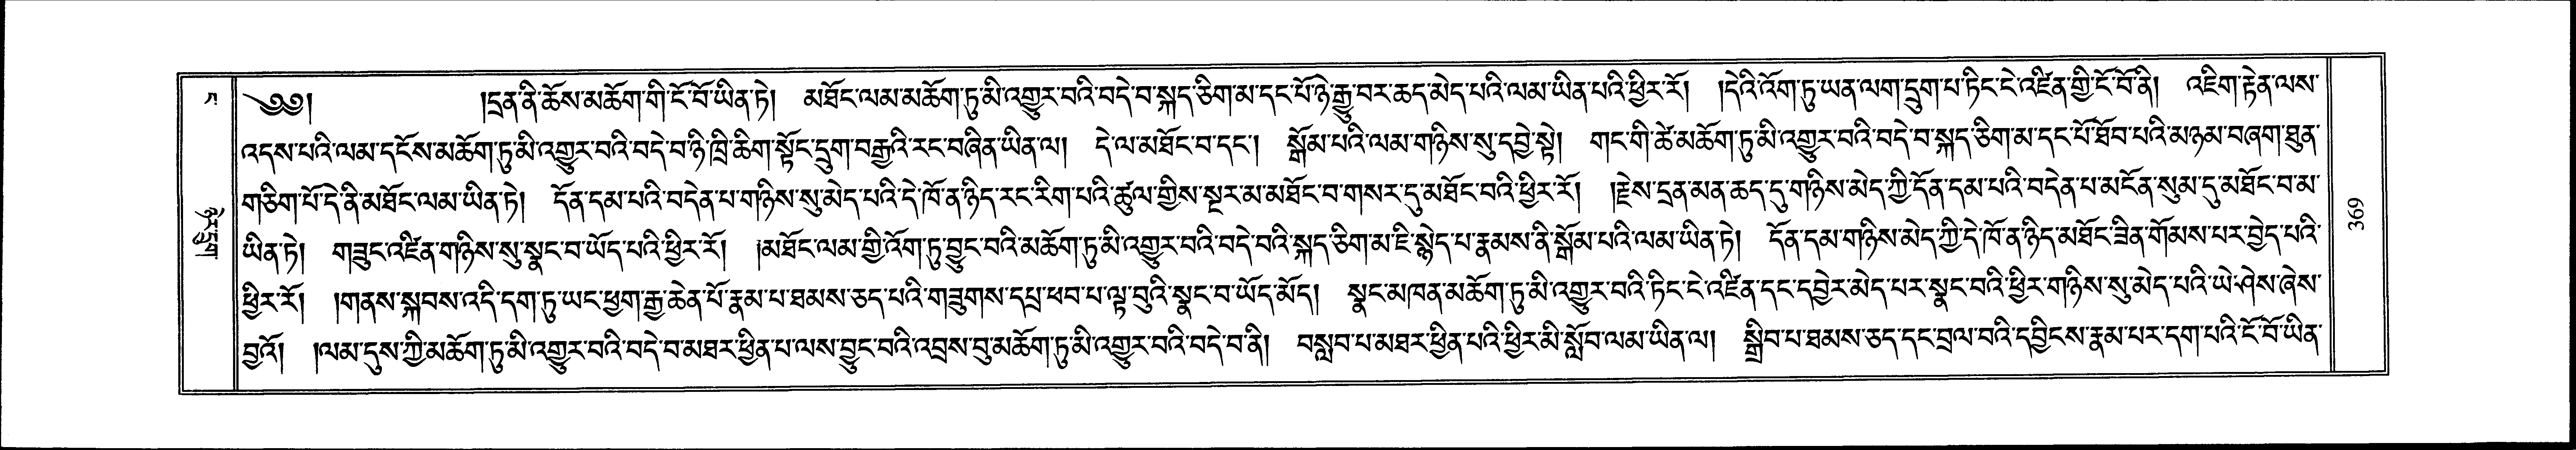༄༅། །དྲན་ནི་ཆོས་མཆོག་གི་ངོ་བོ་ཡིན་ཏེ། མཐོང་ལམ་མཆོག་ཏུ་མི་འགྱུར་བའི་བདེ་བ་སྐད་ཅིག་མ་དང་པོ་ཉེ་རྒྱུ་བར་ཆད་མེད་པའི་ལམ་ཡིན་པའི་ཕྱིར་རོ། །དེའི་འོག་ཏུ་ཡན་ལག་དྲུག་པ་ཏིང་ངེ་འཛིན་གྱི་ངོ་བོ་ནི། འཇིག་རྟེན་ལས་
འདས་པའི་ལམ་དངོས་མཆོག་ཏུ་མི་འགྱུར་བའི་བདེ་བ་ཉི་ཁྲི་ཆིག་སྟོང་དྲུག་བརྒྱའི་རང་བཞིན་ཡིན་ལ། དེ་ལ་མཐོང་བ་དང་། སྒོམ་པའི་ལམ་གཉིས་སུ་དབྱེ་སྟེ། གང་གི་ཚེ་མཆོག་ཏུ་མི་འགྱུར་བའི་བདེ་བ་སྐད་ཅིག་མ་དང་པོ་ཐོབ་པའི་མཉམ་བཞག་ཐུན་
གཅིག་པོ་དེ་ནི་མཐོང་ལམ་ཡིན་ཏེ། དོན་དམ་པའི་བདེན་པ་གཉིས་སུ་མེད་པའི་དེ་ཁོ་ན་ཉིད་རང་རིག་པའི་ཚུལ་གྱིས་སྔར་མ་མཐོང་བ་གསར་དུ་མཐོང་བའི་ཕྱིར་རོ། །རྗེས་དྲན་མན་ཆད་དུ་གཉིས་མེད་ཀྱི་དོན་དམ་པའི་བདེན་པ་མངོན་སུམ་དུ་མཐོང་བ་མ་
ཡིན་ཏེ། གཟུང་འཛིན་གཉིས་སུ་སྣང་བ་ཡོད་པའི་ཕྱིར་རོ། །མཐོང་ལམ་གྱི་འོག་ཏུ་བྱུང་བའི་མཆོག་ཏུ་མི་འགྱུར་བའི་བདེ་བའི་སྐད་ཅིག་མ་ཇི་སྙེད་པ་རྣམས་ནི་སྒོམ་པའི་ལམ་ཡིན་ཏེ། དོན་དམ་གཉིས་མེད་ཀྱི་དེ་ཁོ་ན་ཉིད་མཐོང་ཟིན་གོམས་པར་བྱེད་པའི་
ཕྱིར་རོ། །གནས་སྐབས་འདི་དག་ཏུ་ཡང་ཕྱག་རྒྱ་ཆེན་པོ་རྣམ་པ་ཐམས་ཅད་པའི་གཟུགས་དཔྲ་ཕབ་པ་ལྟ་བུའི་སྣང་བ་ཡོད་མོད། སྣང་མཁན་མཆོག་ཏུ་མི་འགྱུར་བའི་ཏིང་ངེ་འཛིན་དང་དབྱེར་མེད་པར་སྣང་བའི་ཕྱིར་གཉིས་སུ་མེད་པའི་ཡེ་ཤེས་ཞེས་
བྱའོ། །ལམ་དུས་ཀྱི་མཆོག་ཏུ་མི་འགྱུར་བའི་བདེ་བ་མཐར་ཕྱིན་པ་ལས་བྱུང་བའི་འབྲས་བུ་མཆོག་ཏུ་མི་འགྱུར་བའི་བདེ་བ་ནི། བསླབ་པ་མཐར་ཕྱིན་པའི་ཕྱིར་མི་སློབ་ལམ་ཡིན་ལ། སྒྲིབ་པ་ཐམས་ཅད་དང་བྲལ་བའི་དབྱིངས་རྣམ་པར་དག་པའི་ངོ་བོ་ཡིན་